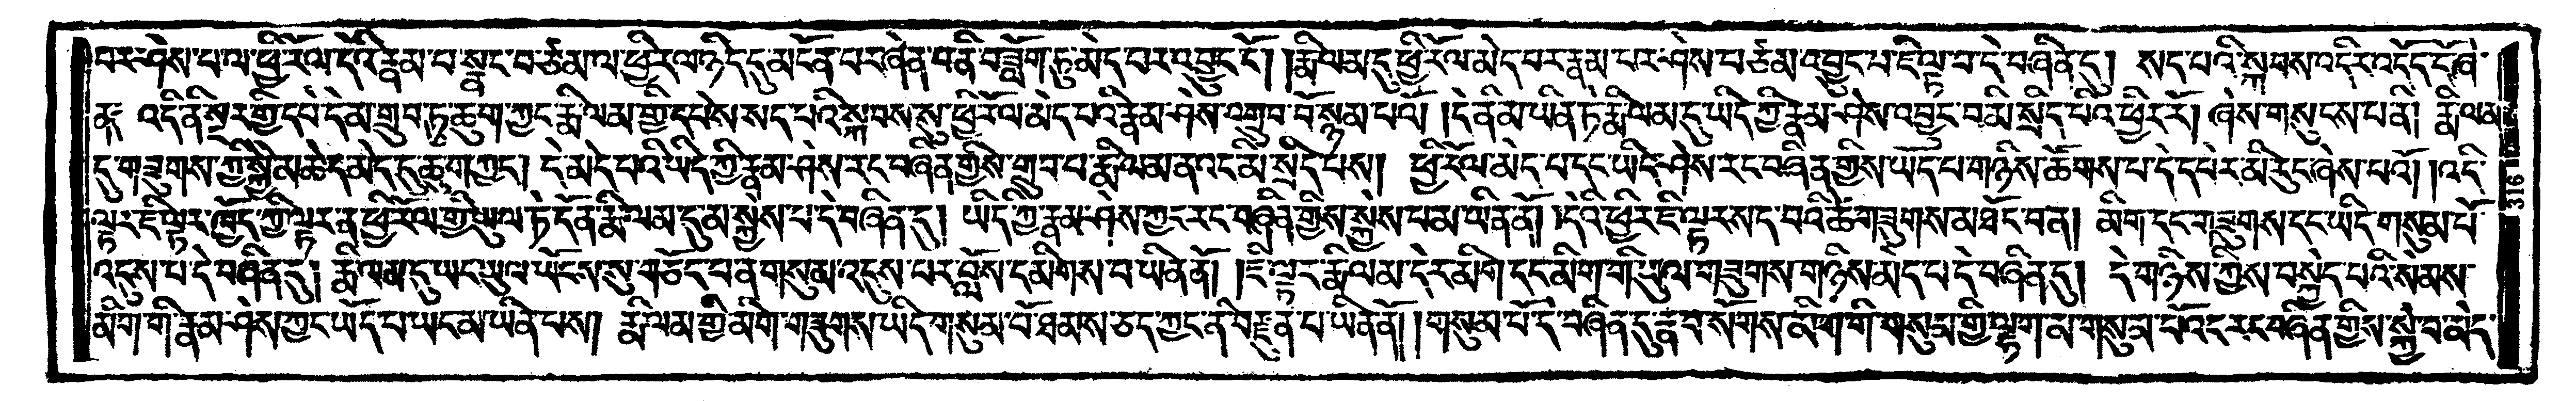པར་ཤེས་པ་ལ་ཕྱི་རོལ་དེའི་རྣམ་པ་སྣང་བ་ཙམ་ལ་ཕྱི་རོལ་ཉིད་དུ་མངོན་པར་ཞེན་པ་ནི་བཟློག་ཏུ་མེད་པར་འབྱུང་ངོ། །རྨི་ལམ་དུ་ཕྱི་རོལ་མེད་པར་རྣམ་པར་ཤེས་པ་ཙམ་འབྱུང་བ་ཇི་ལྟ་བ་དེ་བཞིན་དུ། སད་པའི་སྐབས་འདིར་འདོད་དོ་ཞེ་
ན། འདི་ནི་སྔར་གྱི་དཔེ་དེ་མ་གྲུབ་ཏུ་ཆུག་ཀྱང་རྨི་ལམ་གྱི་དཔེས་སད་པའི་སྐབས་སུ་ཕྱི་རོལ་མེད་པའི་རྣམ་ཤེས་འགྲུབ་བོ་སྙམ་པའོ། །དེ་ནི་མ་ཡིན་ཏེ་རྨི་ལམ་དུ་ཡིད་ཀྱི་རྣམ་ཤེས་འབྱུང་བ་མི་སྲིད་པའི་ཕྱིར་རོ། ཞེས་གསུངས་པ་ནི། རྨི་ལམ་
དུ་གཟུགས་ཀྱི་སྐྱེ་མཆེད་མེད་དུ་ཆུག་ཀྱང་། ད་མེད་པའི་ཡིད་ཀྱི་རྣམ་ཤེས་རང་བཞིན་གྱིས་གྲུབ་པ་རྨི་ལམ་ནའང་མི་སྲིད་པས། ཕྱི་རོལ་མེད་པ་དང་ཡིད་ཤེས་རང་བཞིན་གྱིས་ཡོད་པ་གཉིས་ཚོགས་པ་དེ་དཔེར་མི་རུང་ཞེས་པའོ། །འདི་
ལྟར་ཇི་ལྟར་ཁྱོད་ཀྱི་ལྟར་ན་ཕྱི་རོལ་གྱི་ཡུལ་ཏེ་དོན་རྨི་ལམ་དུ་མ་སྐྱེས་པ་དེ་བཞིན་དུ། ཡིད་ཀྱི་རྣམ་ཤེས་ཀྱང་རང་བཞིན་གྱིས་སྐྱེས་པ་མ་ཡིན་ནོ། །དེའི་ཕྱིར་ཇི་ལྟར་སད་པའི་ཚེ་གཟུགས་མཐོང་བ་ན། མིག་དང་གཟུགས་དང་ཡིད་གསུམ་པོ་
འདུས་པ་དེ་བཞིན་དུ། རྨི་ལམ་དུ་ཡང་ཡུལ་ཡོངས་སུ་གཅོད་པ་ན་གསུམ་འདུས་པར་བློས་དམིགས་པ་ཡིན་ནོ། །ཇི་ལྟར་རྨི་ལམ་དེར་མིག་དང་མིག་གི་ཡུལ་གཟུགས་གཉིས་མེད་པ་དེ་བཞིན་དུ། དེ་གཉིས་ཀྱིས་བསྐྱེད་པའི་སེམས་
མིག་གི་རྣམ་ཤེས་ཀྱང་ཡོད་པ་ཡང་མ་ཡིན་པས། རྨི་ལམ་གྱི་མིག་གཟུགས་ཡིད་གསུམ་པོ་ཐམས་ཅད་ཀྱང་ནི་བརྫུན་པ་ཡིན་ནོ། །གསུམ་པོ་དེ་བཞིན་དུ་རྣ་བ་སོགས་མིག་གི་གསུམ་གྱི་ལྷག་མ་གསུམ་པོའང་རང་བཞིན་གྱིས་སྐྱེ་བ་མེད་